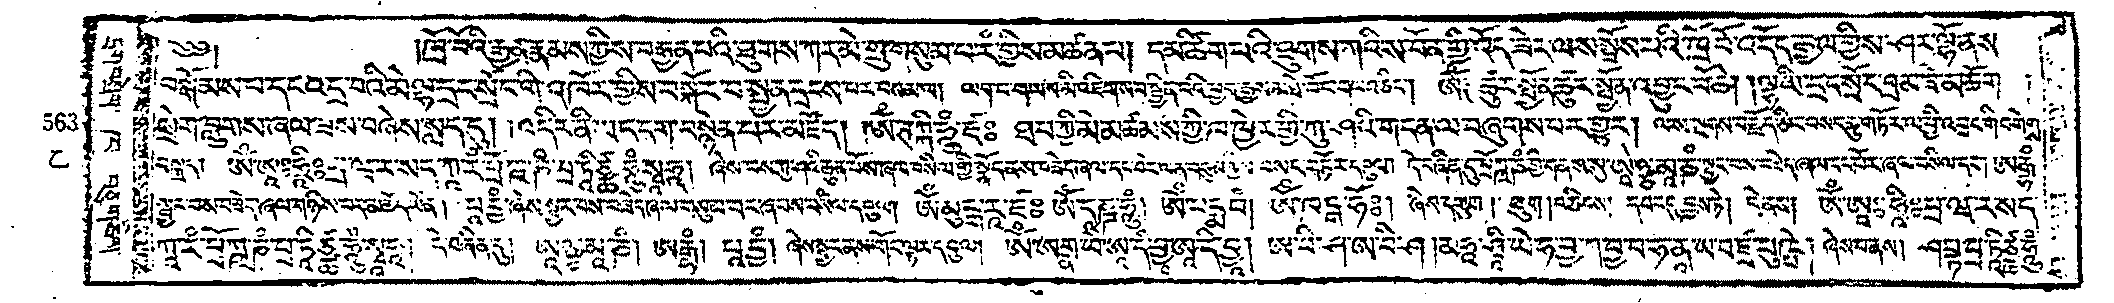༄༅། །ཁྲོ་བོའི་རྒྱན་རྣམས་ཀྱིས་བརྒྱན་པའི་ཐུགས་ཀར་མེ་གྲུ་གསུམ་པ་རཾ་གྱིས་མཚན་པ། དམ་ཚིག་པའི་ཐུགས་ཀའི་ས་བོན་གྱིས་འོད་ཟེར་ལས་སྤྲོས་པའི་ཁྲོ་བོ་དོད་རྒྱལ་ཡིས་ཤར་ལྷོ་ནས་
བསྒོམས་པ་དང་འདྲ་བའི་མེ་ལྷ་དྲང་སྲོང་གི་འཁོར་གྱིས་བསྐོར་བ་སྤྱན་དྲངས་པར་བསམ་ལ། ལག་པ་གཡས་མི་འཇིགས་པ་སྦྱིན་པའི་ཕྱག་རྒྱས་མཐི་བོང་གཡའ་ཅིང་།  ཨོཾ༑ ཚུར་སྤྱོན་ཚུར་སྤྱོན་འབྱུང་པོ་ཆེ། །ལྷ་ཡི་དྲང་སྲོང་བྲམ་ཟེ་མཆོག་
སྲེག་བླུགས་ཞལ་ཟས་བཞེས་སླད་དུ། །འདིར་ནི་ཡང་དག་བསྙེན་པར་མཛོད། །ཨོཾ་ཌཀྐི་ཧཱུཾ་ཛཿ ཐབ་ཀྱི་མེ་མཚམས་ཀྱི་ཁ་ཁྱེར་གྱི་ཀུ་ཤའི་གདན་ལ་བཞུགས་པར་གྱུར། ལས་སྔགས་བརྗོད་ཅིང་བསང་ནུ་གཏོར་ལ་ཕྱི་འབྲང་གི་བགེགས་
བསྐྲད། ཨོཾ་ཨཱཿཧྲཱིཿཔྲ་ལ་ཡ་སད་ཀཱ་རཾ་པྲོཀྵ་ཎཾ་པྲ་ཏཱི་ཙྪ་ཧཱུཾ་སྭཱཧཱ། ཞེས་པས་ཀུ་ཤའི་ཆུན་པོས་ཞལ་བསིལ་གྱི་སྣོད་ནས་བཟེད་ཞལ་དང་བདེར་ལན་གསུམ་གྱིས་བསང་གཏོར་དང་དབུལ། །དེ་བཞིན་དུ་པྲོཀྵ་ཎཾ་གྱི་གནས་སུ་E་ཉྩ་མཱ་ཎཾ་སྦྱང་བས་བཟེད་ཞལ་དང་བོར་ཞལ་བསིལ་དང་།  ཨརྒྷཾ།
སྦྱར་བས་བཟེད་ཞལ་གཉིས་བར་མཆོད་ཡོན།  པཱ་དྷྱཾ་ཞེས་སྦྱར་བས་བཟེད་ཞལ་གསུམ་བར་ཞབ་བསིལ་དབུལ།  ཨོཾ་མུངག་རཱ་ཛཿཨོཾ་དཱཎྜ་ཧཱུཾ། ཨོཾ་པདམ་བཾ། ཨོཾ་ཁངྒ་ཧོཿ། ཞེས་དགུག །ཞུག །བཅིངས། དབང་དུ་བྱས་ཏེ། དེ་ནས།  ཨོཾ་ཨཱཿཧྲཱིཿཔྲ་ཝ་ར་སད་
ཀཱ་རཾ་པྲོཀྵ་ཎཾ་པྲ་ཏཱི་ཙྪ་ཧཱུཾ་སྭཱཧཱ། དེ་བཞིན་དུ།  ཨཱཉྩ་མཱ་ཎཾ། ཨརྒྷཾ། པཱདྷྱཾ། ཞེས་སྦྱར་ནས་གོང་ལྟར་ལྟར་དབུལ།  ཨོཾ་ཨགན་ཡ་ཨཱ་དི་བྱཱ་ཨཱ་དེ་བྱཱ། ཨ་ཕི་ཤ་ཨ་བི་ཤ་།མཧཱ་ཤྲཱི་ཡེ་ཧ་བྱ་ཀ་བྱེ་བ་ཧ་ནཱ་ཡ་བཛྲ་པུཁྤེ། ཞེས་པ་ནས། ཤཔྟ་པྲ་ཏཱི་ཙྪ་ཧཱུཾ་